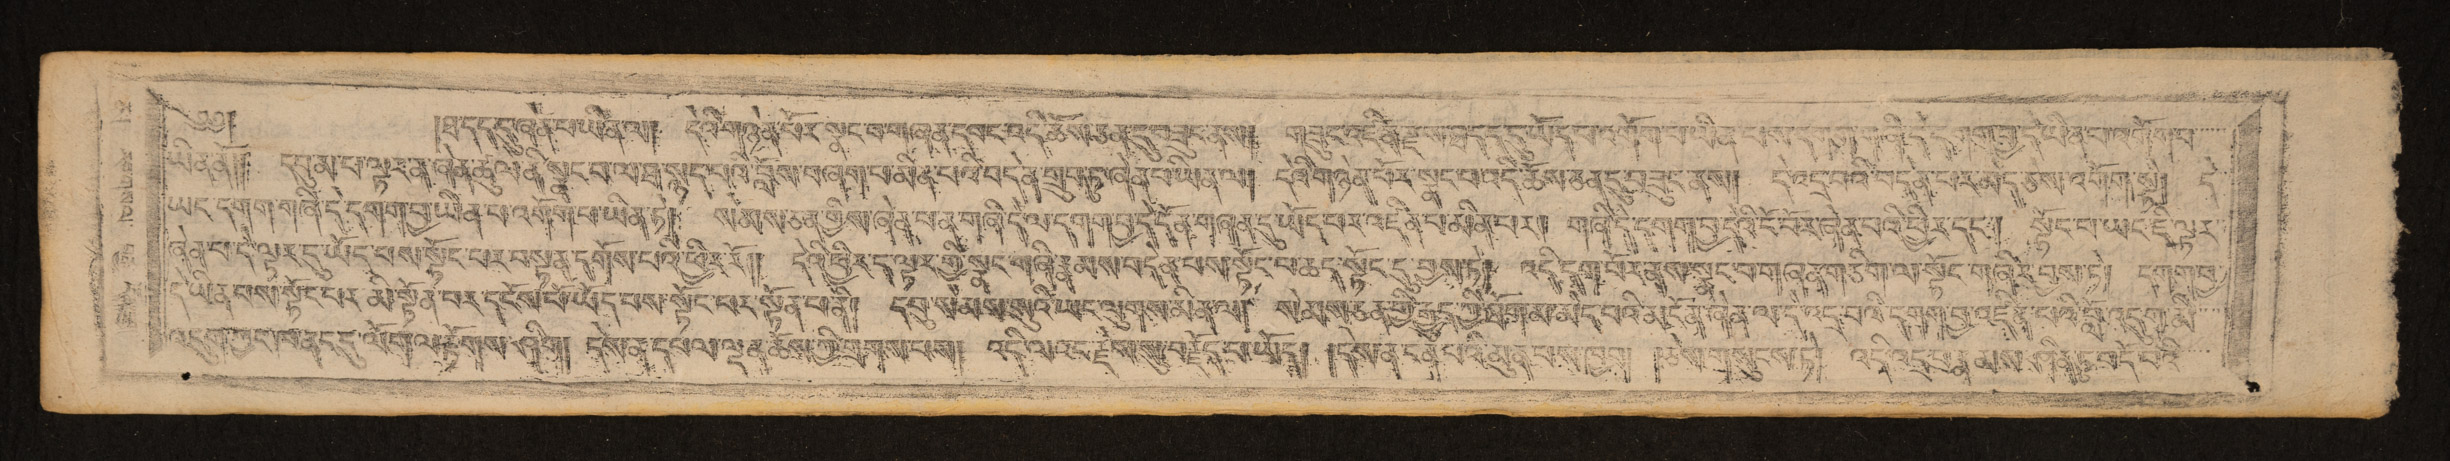༄༅། །ཐ་དད་དུ་ཞེན་པ་ཡིན་ལ། དེའི་གཉེན་པོར་སྣང་བ་གཞན་དབང་པའི་ཆོས་ཅན་དུ་བཟུང་ནས། གཟུང་འཛིན་རྫས་ཐ་དད་དུ་ཡོད་པ་འགོག་པ་ཡིན་པས་དགག་གཞི་དེ་དགག་བྱ་དེ་ཡིན་པ་འགོག་པ་
ཡིན་ནོ།། དབུ་མ་པ་ལྟར་ན་ཞེན་ཚུལ་ནི་སྣང་བ་ལ་ཐ་སྙད་པའི་བློས་བཞག་པ་མིན་པའི་བདེན་གྲུབ་ཏུ་ཞེན་པ་ཡིན་ལ། དེའི་གཉེན་པོར་སྣང་བ་འདི་ཆོས་ཅན་དུ་བཟུང་ནས། དེ་འདྲ་བའི་བདེན་པར་མེད་ཅེས་འགོག་སྟེ། དེ་
ཡང་དགག་གཞི་དེ་དགག་བྱ་ཡིན་པ་འགོག་པ་ཡིན་ཏེ། སེམས་ཅན་གྱིས་ཞེན་པ་ན་གཞི་དེ་ལ་དགག་བྱ་དེ་དོན་གཞན་དུ་ཡོད་པར་འཛིན་པ་མིན་པར། གཞི་དེ་དགག་བྱ་དེའི་ངོ་བོར་ཞེན་པའི་ཕྱིར་དང་། སྟོང་པ་ཡང་ཇི་ལྟར་
ཞེན་པ་དེ་ལྟར་དུ་ཡོད་པས་སྟོང་པར་བསྟན་དགོས་པའི་ཕྱིར་རོ།། དེའི་ཕྱིར་ད་ལྟར་གྱི་སྣང་གཞི་རྣམས་བདེན་པས་སྟོང་པ་ཆད་སྟོང་དུ་བྱས་ཏེ། འདི་དག་བོར་ནས་སྣང་བ་གཞན་གཅིག་ལ་སྟོང་གཞིར་བྱས་ཏེ། དགག་བྱད་
ཡིན་པས་སྟོང་པར་མི་སྟོན་པར་དངོས་པོ་ཡོད་པས་སྟོང་པར་སྟོན་པ་ནི། དབུ་སེམས་སུའི་ཡང་ལུགས་མིན་ལ། སེམས་ཅན་གྱི་རྒྱུད་ཀྱི་ཐོག་མ་མེད་པའི་མངོན་ཞེན་ལ་དེ་འདྲ་བའི་དགག་བྱ་འཛིན་པའི་བློ་འདུག་མི་
འདུག་ཀྱང་ཁ་ནང་དུ་ལོག་ལ་རྟོགས་ཤིག། དེས་ན་དཔལ་ལྡན་ཆོས་ཀྱི་གྲགས་པས། འདི་ལའང་རྗེས་སུ་བརྗོད་པ་ཡོད། །དེས་ན་ངན་པའི་མུན་པས་ཁྱབ། །ཅེས་གསུངས་ཏེ། འདི་འདྲ་བ་རྣམས་ཤིན་ཏུ་བདོ་བའི་